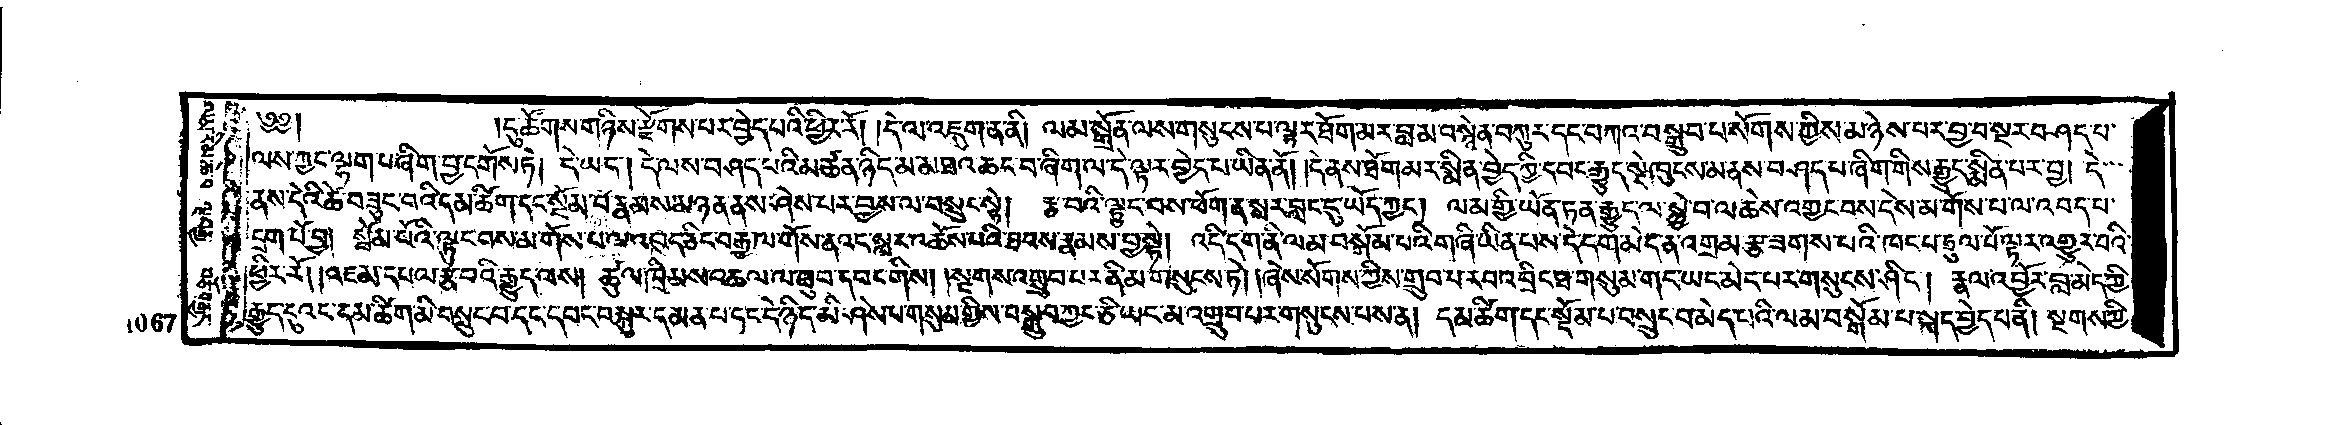༄༅། །དུ་ཚོགས་གཉིས་རྫོགས་པར་བྱེད་པའི་ཕྱིར་རོ། །དེ་ལ་འཇུག་ན་ནི། ལམ་སྒྲོན་ལས་གསུངས་པ་ལྟར་ཐོག་མར་བླ་མ་བསྙེན་བཀུར་དང་བཀའ་བསྒྲུབ་པ་སོགས་ཀྱིས་མཉེས་པར་བྱ་བ་སྔར་བཤད་པ་
ལས་ཀྱང་ལྷག་པ་ཞིག་བྱ་དགོས་ཏེ། དེ་ཡང་། དེ་ལས་བཤད་པའི་མཚན་ཉིད་མ་མཐའ་ཚང་བ་ཞིག་ལ་དེ་ལྟར་བྱེད་པ་ཡིན་ནོ། །དེ་ནས་ཐོག་མར་སྨིན་བྱེད་ཀྱི་དབང་རྒྱུད་སྡེ་ཁུངས་མ་ནས་བཤད་པ་ཞིག་གིས་རྒྱུད་སྨིན་པར་བྱ། དེ་
ནས་དེའི་ཚེ་བཟུང་བའི་དམ་ཚིག་དང་སྡོམ་པ་རྣམས་མཉན་ནས་ཤེས་པར་བྱས་ལ་བསྲུང་སྟེ། རྩ་བའི་ལྟུང་བས་ཕོག་ན་སླར་བླང་དུ་ཡོད་ཀྱང་། ལམ་གྱི་ཡོན་ཏན་རྒྱུད་ལ་སྐྱེ་བ་ལ་ཆེས་འགྱང་བས་དེས་མ་གོས་པ་ལ་འབད་པ་
དྲག་པོ་བྱ། སྦོམ་པོའི་ལྟུང་བས་མ་གོས་པ་ལ་འབད་ཅིང་བརྒྱ་ལ་གོས་ནའང་སླར་འཆོས་པའི་ཐབས་རྣམས་བྱ་སྟེ། འདི་དག་ནི་ལམ་བསྒོམ་པའི་གཞི་ཡིན་པས་དེ་དག་མེད་ན་འགྲམ་རྩ་ཟགས་པའི་ཁང་པ་ཧྲུལ་པོ་ལྟར་འགྱུར་བའི་
ཕྱིར་རོ། །འཇམ་དཔལ་རྩ་བའི་རྒྱུད་ལས། ཚུལ་ཁྲིམས་འཆལ་ལ་ཐུབ་དབང་གིས། །སྔགས་འགྲུབ་པར་ནི་མ་གསུངས་ཏེ། །ཞེས་སོགས་ཀྱིས་གྲུབ་པ་རབ་འབྲིང་ཐ་གསུམ་གང་ཡང་མེད་པར་གསུངས་ཤིང་། རྣལ་འབྱོར་བླ་མེད་ཀྱི་
རྒྱུད་དུའང་དམ་ཚིག་མི་བསྲུང་བ་དང་དབང་བསྐུར་དམན་པ་དང་དེ་ཉིད་མི་ཤེས་པ་གསུམ་གྱིས་བསྒྲུབ་ཀྱང་ཅི་ཡང་མི་འགྲུབ་པར་གསུངས་པས་ན། དམ་ཚིག་དང་སྡོམ་པ་བསྲུང་བ་མེད་པའི་ལམ་བསྒོམ་པ་སྐད་བྱེད་པ་ནི། སྔགས་ཀྱི་